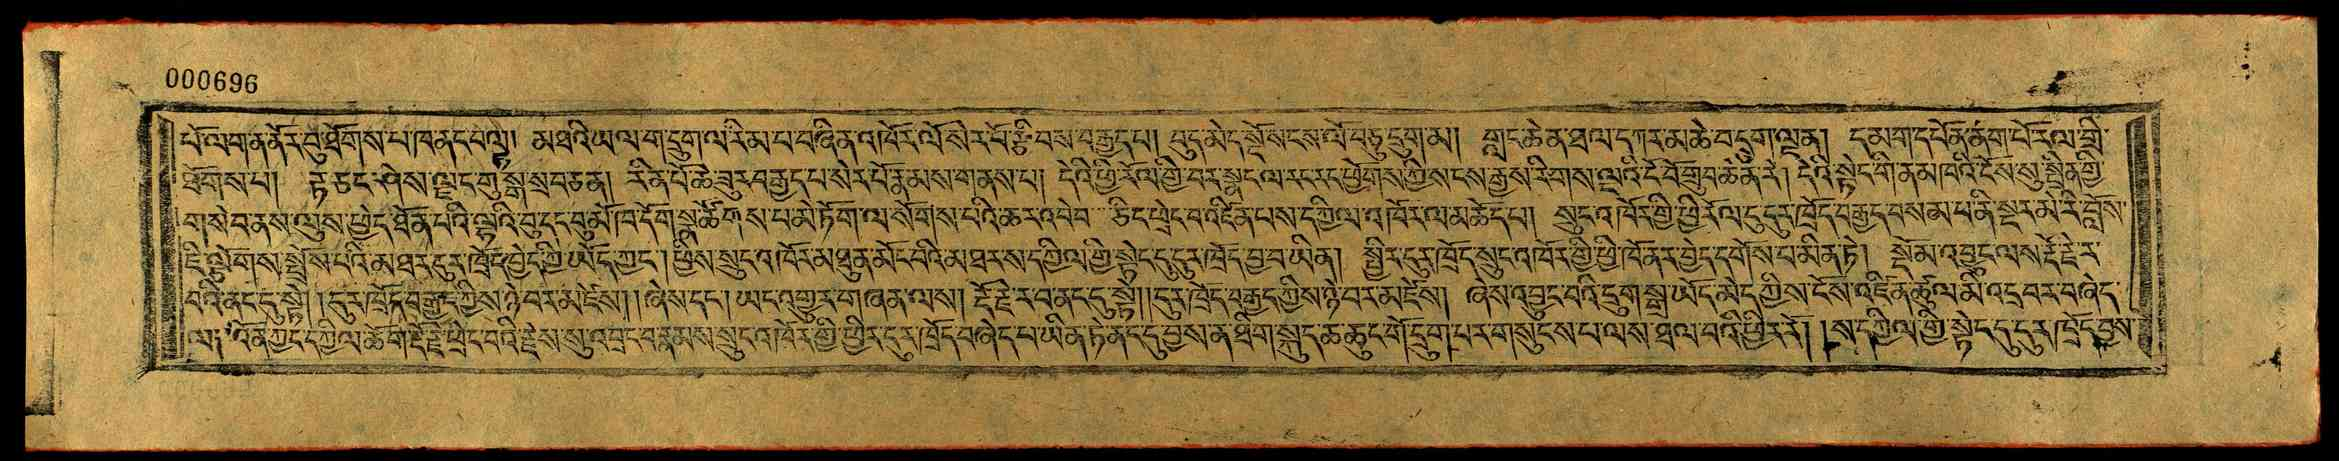པོ་ལག་ན་ནོར་བུ་ཐོགས་པ་ཁ་ནང་བལྟ། མཐའི་ཡལ་ག་དྲུག་ལ་རིམ་པ་བཞིན་འཁོར་ལོ་སེར་པོ་རྩིབས་བརྒྱད་པ། བུད་མེད་སྔོ་སངས་ལོ་བཅུ་དྲུག་མ། གླང་ཆེན་ཐལ་དཀར་མཆེ་བ་དྲུག་ལྡན། དམག་དཔོན་ནག་པོ་རལ་གྲི་
ཐོགས་པ། རྟ་ཅང་ཤེས་ལྗང་གུ་སྒ་སྲབ་ཅན། རིན་པོ་ཆེ་ཟུར་བརྒྱད་པ་སེར་པོ་རྣམས་གནས་པ། དེའི་ཕ་རོལ་གྱི་བར་སྣང་ལ་རང་རང་ཕྱོགས་ཀྱི་སངས་རྒྱས་རིགས་ལྔའི་ངོ་བོ་གྲུབ་ཆེན་རེ། དེའི་སྟེང་གི་ནམ་མཁའི་ངོས་སུ་སྤྲིན་གྱི་
གསེབ་ནས་ལུས་ཕྱེད་ཐོན་པའི་ལྷའི་བུ་དང་བུ་མོ་ཁ་དོག་སྣ་ཚོགས་པ་མེ་ཏོག་ལ་སོགས་པའི་ཆར་འབེབ་ཅིང་ཕྲེང་པ་འཛིན་པས་དཀྱིལ་འཁོར་ལ་མཆོད་པ། སྲུང་འཁོར་གྱི་ཕྱི་རོལ་དུ་དུར་ཁྲོད་བརྒྱད་བསམ་པ་ནི་སྔར་མེ་རི་བློས་
ཇི་ལྕོགས་སྤྲོས་པའི་མཐར་དུར་ཁྲོད་བྱེད་ཀྱི་ཡོད་ཀྱང་། ཕྱིས་སྲུང་འཁོར་མཐུན་མོང་བའི་མཐར་ས་དཀྱིལ་གྱི་སྟེང་དུ་དུར་ཁྲོད་བྱ་བ་ཡིན། སྤྱིར་དུར་ཁྲོད་སྲུང་འཁོར་གྱི་ཕྱི་ཁོ་ནར་བྱེད་དགོས་པ་མིན་ཏེ། སྡོམ་འབྱུང་ལས་རྡོ་རྗེ་རྭ་
བའི་ནང་དུ་སྟེ། །དུར་ཁྲོད་བརྒྱད་ཀྱིས་ཉེ་བར་མཛེས། །ཞེས་དང་། ཡང་འགྱུར་གཞན་ལས། རྡོ་རྗེ་རྭ་བ་ནང་དུ་སྟེ། །དུར་ཁྲོད་བརྒྱད་ཀྱིས་ཉེ་བར་མཛེས། ཞེས་འབྱུང་བའི་དྲུག་སྒྲ་ཡོད་མེད་ཀྱིས་ངོས་འཛིན་ཚུལ་མི་འདྲ་བར་བཞེད་
ལ། འོན་ཀྱང་དཀྱིལ་ཆོག་རྡོ་རྗེ་ཕྲེང་བའི་རྗེས་སུ་འབྲང་བ་རྣམས་སྲུང་འཁོར་གྱི་ཕྱིར་དུར་ཁྲོད་བཞེད་པ་ཡིན་ཏེ་ནང་དུ་བྱས་ན་ཐིག་སྐུད་ཆེ་ཆུང་གོ་དྲུག་པར་གསུངས་པ་ལས་ཐལ་བའི་ཕྱིར་རོ། །ས་དཀྱིལ་གྱི་སྟེང་དུ་དུར་ཁྲོད་བྱས་